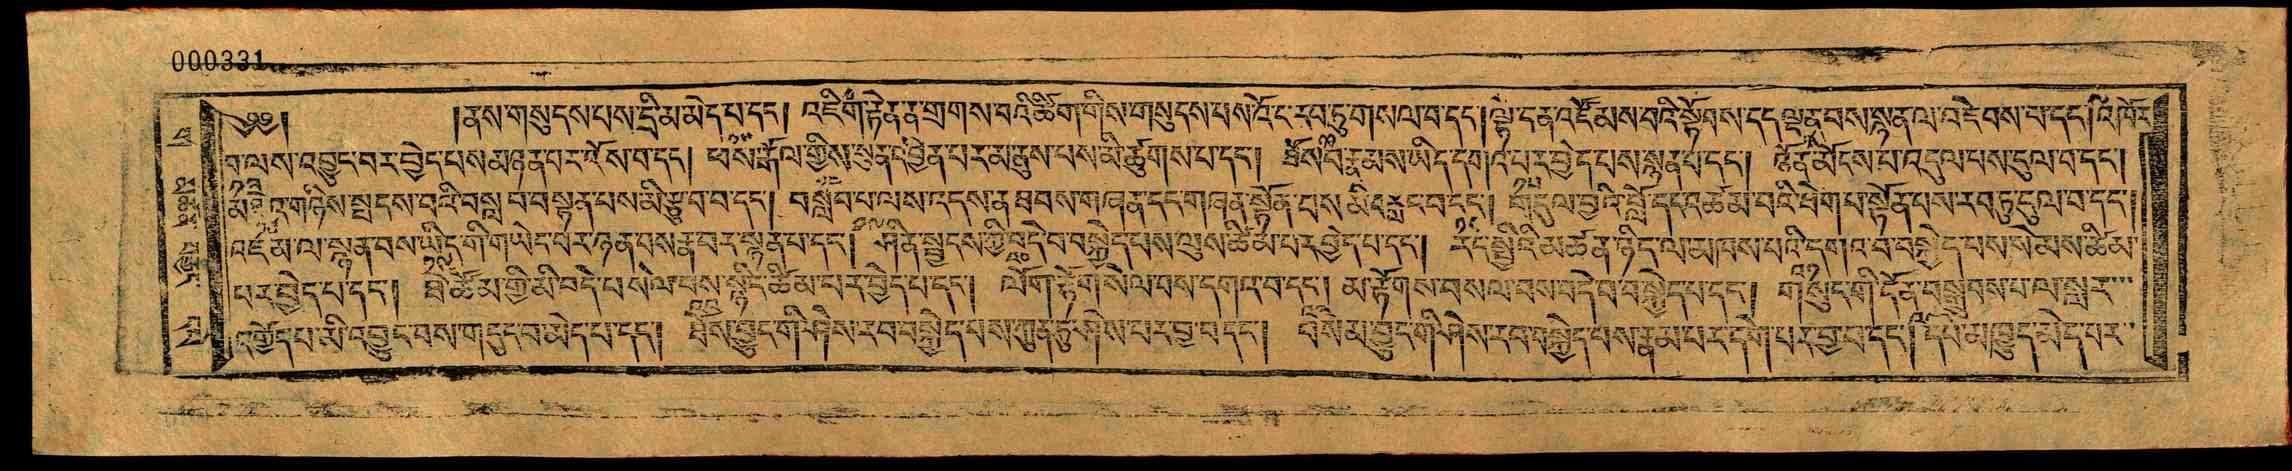༄༅། །ནས་གསུངས་པས་དྲི་མ་མེད་པ་དང་། ༧་འཇིག་རྟེན་ན་གྲགས་པའི་ཚིག་གིས་གསུངས་པས་འོ་པ་རབ་ཏུ་གསལ་བ་དང་། ༨་ལྟ་ངན་འཇོམས་པའི་སྟོབས་དང་ལྡན་པས་སྙན་ལ་འཇེབས་པ་དང་། ༩་འཁོར་
བ་ལས་འབྱུང་བར་བྱེད་པས་མཉན་པར་འོས་པ་དང་། ༡༠་ཕས་རྒོལ་གྱིས་སུན་འབྱིན་པར་མ་ནུས་པས་མི་ཚུགས་པ་དང་། ཐས་པ་རྣམས་ཡར་དགའ་བར་བྱེད་པས་སྙན་པ་དང་། ༡༡་ཉོན་མོངས་པ་འདུལ་བས་དུལ་བ་དང་།
༡༢་མཐའ་གཉིས་སྤངས་པའི་བསླབ་པ་སྟོན་པས་མི་རྩུབ་པ་དང་། ༡༤་བསླབ་པ་ལས་འདས་ན་ཐབས་གཞན་དང་གཞན་སྟོན་པས་མི་བརླིང་པ་དང་། ༡༥་གདུལ་བྱའི་བློ་དང་འཚམ་པའི་ཐོག་པ་སྟོན་པས་རབ་ཏུ་དུལ་བ་དང་།
༡༦་འཇམ་ལ་སྙན་པས་ཡིད་མ་གཡེང་པར་ཉན་པས་རྣ་བར་སྙན་པ་དང་། ༡༧་ཤིན་སྦྱངས་ཀྱི་བདེ་བ་བསྐྱེད་པས་ལུས་ཚིམ་པར་བྱེད་པ་དང་། ༡༨་རང་སྤྱིའི་མཚན་ཉིད་ལ་མཁས་པའི་དགའ་བ་བསྐྱེད་པས་སེམས་ཚིམ་
པར་བྱེད་པ་དང་། ༡༩་ཐེ་ཚོམ་གྱི་མི་བདེ་བ་སེལ་བས་སྙིང་ཚིམ་པར་བྱེད་པ་དང་། ༢༠་ལོག་རྟོག་སེ་ལ་བས་དགའ་བ་དང་། མ་རྟོགས་པ་སེལ་བས་བདེ་བ་བསྐྱེད་པ་དང་། ༢༡་གསུང་གི་དོན་བསྒྲུབས་པ་ལ་སླར་
འགྱོད་པ་མི་འབྱུང་བས་གདུང་བ་མེད་པ་དང་། ༢༢་ཐོས་བྱུང་གི་ཤེས་རབ་བསྐྱང་པས་ཀུན་ཏུ་ཤེས་པར་བྱ་བ་དང་། ༢༣་བསམ་བྱུང་གི་ཤེས་རབ་བསྐྱེད་པས་རྣམ་པར་རིག་པར་བྱ་བ་དང་། ༢༤་དཔེ་མཁྱུད་མེད་པར་